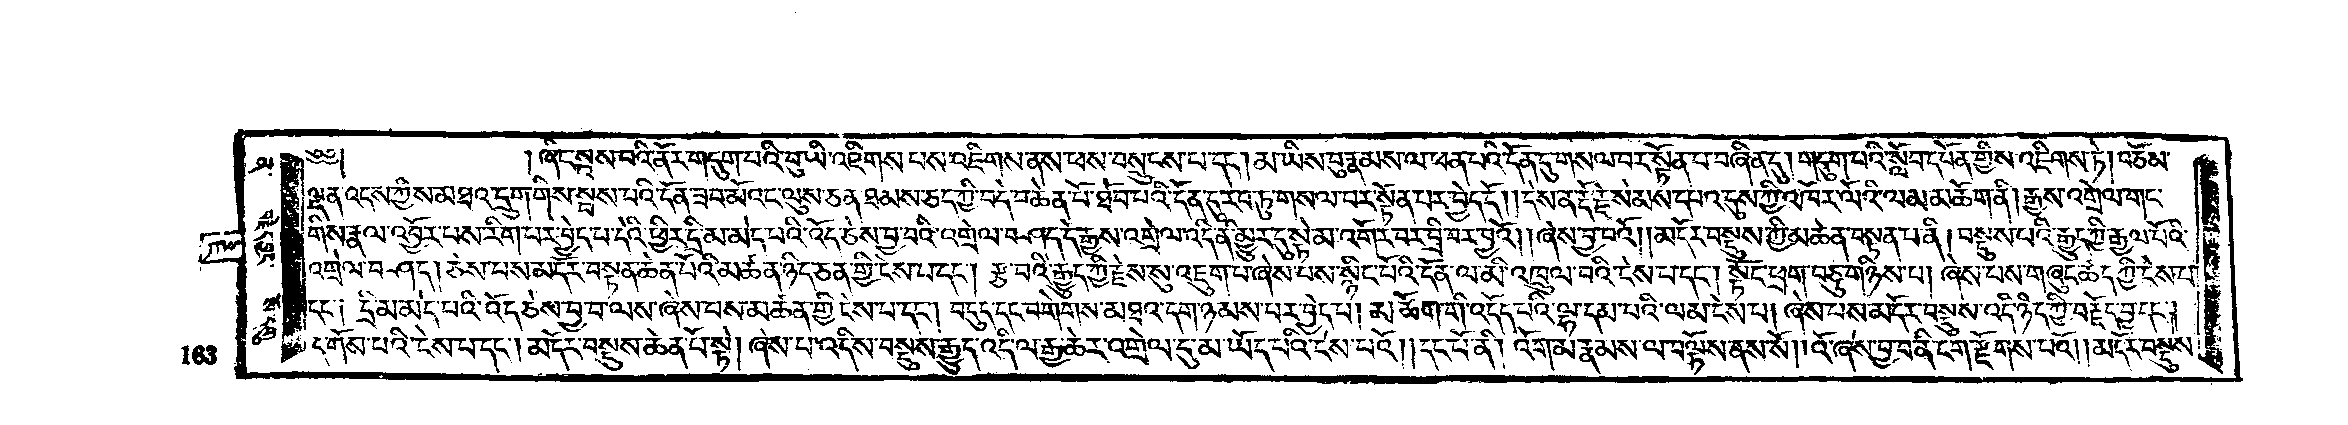༄༅། །ཞིང་སྦས་པའི་ནོར་གདུག་པའི་བུ་ཡི་འཇིགས་པས་འཇིགས་ནས་ཕས་བསྲུངས་པ་དང་། མ་ཡིས་བུ་རྣམས་ལ་ཕན་པའི་དོན་དུ་གསལ་བར་སྟོན་པ་བཞིན་དུ། གདུག་པའི་སློབ་དཔོན་གྱིས་འཇིགས་ཏེ། བཅོམ་
ལྡན་འདས་ཀྱིས་མཐའ་དྲུག་གིས་སྦས་པའི་དོན་ཟབ་མོའང་ལུས་ཅན་ཐམས་ཅད་ཀྱི་བདེ་བ་ཆེན་པོ་ཐོབ་པའི་དོན་དུ་རབ་ཏུ་གསལ་བར་སྟོན་པར་བྱེད་དོ། །དེས་ན་རྡོ་རྗེ་སེམས་དཔའ་དུས་ཀྱི་འཁོར་ལོའི་ལམ་མཆོག་ནི། རྒྱས་འགྲེལ་གང་
གིས་རྣལ་འབྱོར་པས་རིག་པར་བྱེད་པ་དེའི་ཕྱིར་དྲི་མ་མེད་པའི་འོད་ཅེས་བྱ་བའི་འགྲེལ་བཤད་དེ་རྒྱས་འགྲེལ་འདི་ནི་མྱུར་དུ་སྟེ་མ་འགོར་བར་བྲི་བར་བྱའོ། །ཞེས་བྱ་བའོ། །མདོར་བསྡུས་ཀྱི་མཚན་བསྟན་པ་ནི། བསྡུས་པའི་རྒྱུད་ཀྱི་རྒྱལ་པོའི་
འགྲེལ་བཤད། ཅེས་པས་མདོར་བསྟན་ཆེན་པོའི་མཚན་ཉིད་ཅན་གྱི་ངེས་པ་དང་། རྩ་བའི་རྒྱུད་ཀྱི་རྗེས་སུ་འཇུག་པ་ཞེས་པས་སྙིང་པོའི་དོན་ལ་མི་འཁྲུལ་བའི་ངེས་པ་དང་། སྟོང་ཕྲག་བཅུ་གཉིས་པ། ཞེས་པས་གཞུང་ཚད་ཀྱི་ངེས་པ་
དང་། དྲི་མ་མེད་པའི་འོད་ཅེས་བྱ་བ་ལས་ཞེས་པས་མཚན་གྱི་ངེས་པ་དང་། བདུད་དང་བགེགས་མཐའ་དག་ཉམས་པར་བྱེད་པ། མཆོག་གི་འདོད་པའི་ལྷ་དམ་པའི་ལམ་ངེས་པ། ཞེས་པས་མདོར་བསྡུས་འདི་ཉིད་ཀྱི་བརྗོད་བྱ་དང་།
དགོས་པའི་ངེས་པ་དང་། མདོར་བསྡུས་ཆེན་པོ་སྟེ། ཞེས་པ་འདིས་བསྡུས་རྒྱུད་འདི་ལ་རྒྱ་ཆེར་འགྲེལ་དུ་མ་ཡོད་པའི་ངེས་པའོ། །དང་པོ་ནི། འོག་མ་རྣམས་ལ་བལྟོས་ནས་སོ། །འོ་ཞེས་བྱ་བ་ནི་ངག་རྫོགས་པའོ། །མདོར་བསྡུས་